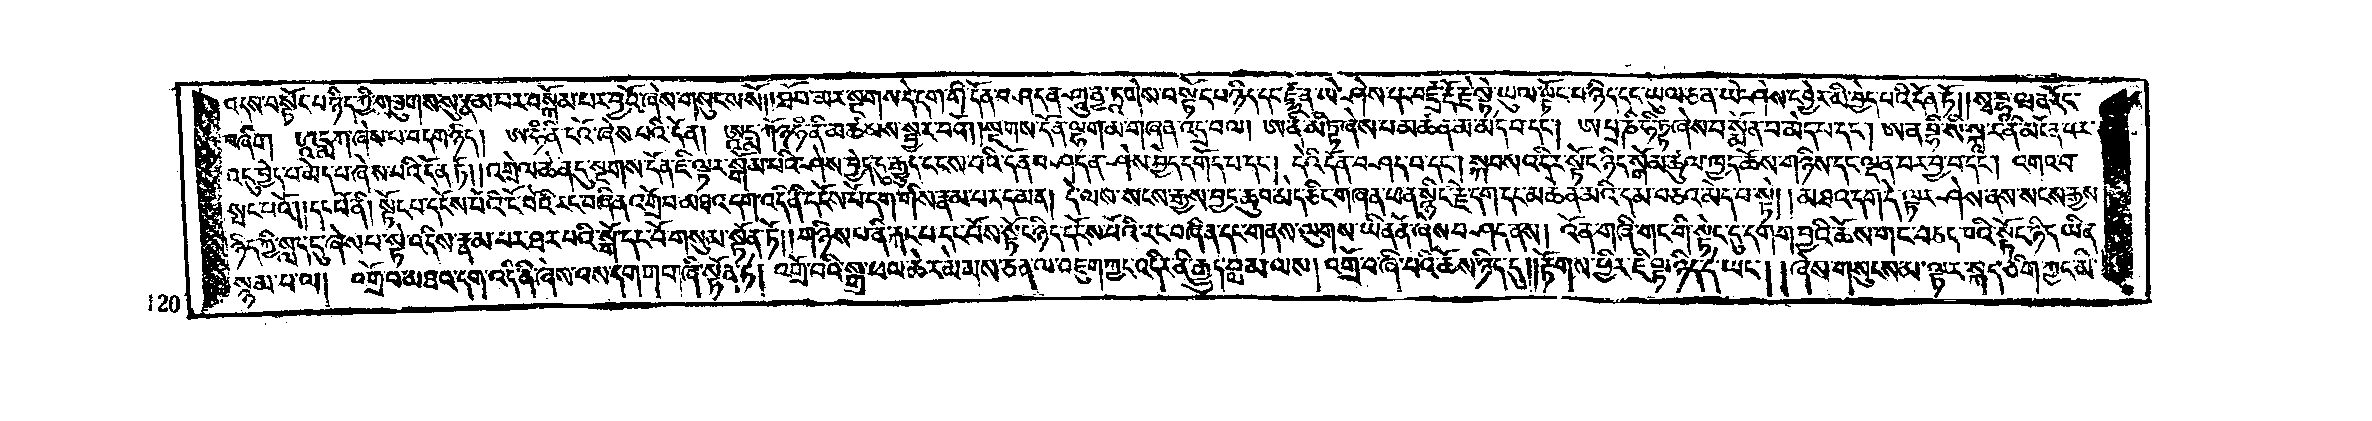འདས་པ་སྟོང་པ་ཉིད་ཀྱི་གཟུགས་སུ་རྣམ་པར་བསྒོམ་པར་བྱའོ་ཞེས་གསུངས་སོ། །ཐོབ་མར་སྔགས་དེ་དག་གི་དོན་བཤད་ན་ཤཱུ་མཡ་ཏཱ་གེས་བསྟོང་པ་ཉིད་དང་ཛྙཱ་ན་ཡེ་ཤེས་དང་བྫྲ་རྡོ་རྗེ་སྟེ་ཡུལ་སྟོང་པ་ཉིད་དང་ཡུལ་ཅན་ཡེ་ཤེས་དབྱེར་མི་བྱེད་པའི་དོན་ཏོ། །སྭ་བྷཱ་ཝ་ན་རོང་
བཞིག །ཨཱངམ་ཀ་ཞེས་པ་བདག་ཉིད། ཨ་ཧཾ་ནི་ངའོ་ཞེས་པའི་དོན། ཨཱངམ་ཀོ་ཉ་ཧཾ་ནི་མཚམས་སྦྱར་བའོ། །སྔགས་དོན་ལྷག་མ་གཞན་འདྲ་བ་ལ། ཨ་ནི་མི་ཏྟ་ཞེས་པ་མཚན་མ་མེད་པ་དང་། ཨ་པྲ་ཎི་ཧི་ཏྟ་ཞེས་པ་སྨོན་པ་མེད་པ་དང་། ཨ་པྲ་ཎི་ཧི་ཏྟ་ཞེས་པ་སྨོན་པ་མེད་པ་དང་། ཨ་ན་བྷི་སི་སྐཱ་ར་ནི་མངོན་པར་
འདུ་བྱེད་པ་མེད་པ་ཞེས་པའི་དོན་ཏོ། །འགྲེལ་ཆེན་དུ་སྔགས་དོན་ཇི་ལྟར་སྒོམ་པའི་ཤེས་བྱེད་དུ་རྒྱུད་དངས?་པའི་དོན་བཤད་ན་ཤེས་བྱེད་དགོད་པ་དང་། དེའི་དོན་བཤད་པ་དང་། སྐབས་འདིར་སྟོང་ཉིད་སྒོམ་ཚུལ་ཁྱད་ཆོས་གཉིས་དང་ལྡན་པར་བྱ་བ་དང་། འགའ་བ་
སྤང་པའོ། །དང་པོ་ནི། སྟོང་པ་དངོས་པོའི་ངོ་བོའི་རང་བཞིན་འགྲོ་བ་མཐའ་དག་འདི་ནི་དངོས་པོ་དག་གིས་རྣམ་པར་དམན། དེ་ལས་སངས་རྒྱས་བྱང་ཆུབ་མེད་ཅིང་གཞན་ཕན་སྙིང་རྗེ་དག་དང་མཚན་མའི་དམ་བཅའ་མེད་པ་སྟེ། །མཐའ་དག་དེ་ལྟར་ཤེས་ནས་སངས་རྒྱས་
ཉིད་ཀྱི་སླད་དུ་ཞེས་པ་སྟེ་འདིས་རྣམ་པར་ཐར་པའི་སྒོ་དང་པོ་གསུམ་སྟོན་ཏོ། །གཉིས་པ་ནི་རྐང་པ་དང་པོས་སྟོང་ཉིད་དངོས་པོའི་རང་བཞིན་དང་གནས་ལུགས་ཡིན་ནོ་ཞེས་བཤད་ནས། འོ་ན་གཞི་གང་གི་སྟེང་དུ་དགག་བྱའི་ཆོས་གང་བཅད་པའི་སྟོང་ཉིད་ཡིན་
སྙམ་པ་ལ། འགྲོ་བ་མཐའ་དག་འདི་ནི་ཞེས་པས་དགག་གཞི་སྟོན་ཏེ། འགྲོ་བའི་སྒྲ་ཕལ་ཆེར་སེམས་ཅན་ལ་འཇུག་ཀྱང་འདིར་ནི་རྒྱུད་བླ་མ་ལས། འགྲོ་བ་ཞི་བའི་ཆོས་ཉིད་དུ། །རྟོགས་ཕྱིར་ཇི་ལྟ་ཉིད་དེ་ཡང་། །ཞེས་གསུངས་མ་ལྟར་སྐད་ཅིག་ཀྱང་མི་